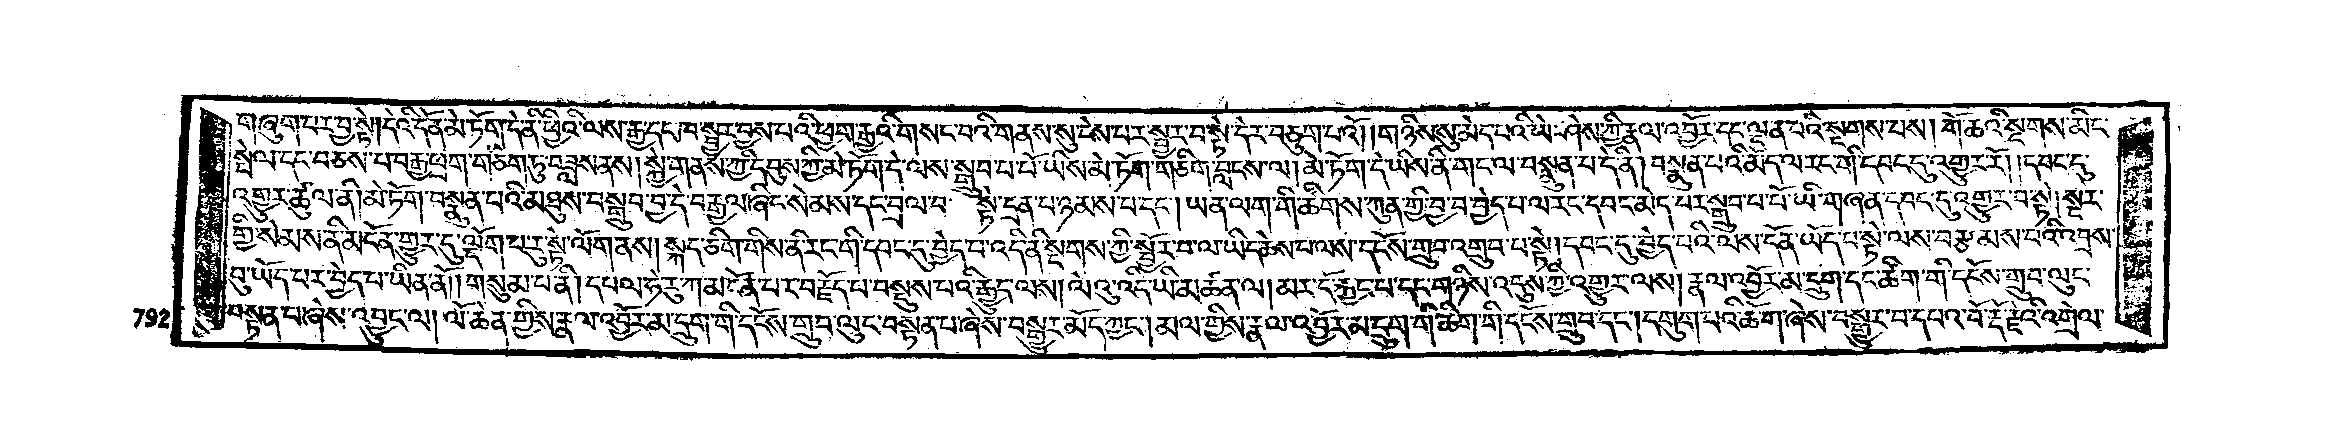གཞུག་པར་བྱ་སྟེ། དེའི་དོན་མེ་ཏོག་དེ་ནི་ཕྱིའི་ལས་རྒྱ་དང་ཁ་སྦྱར་བྱས་པའི་ཕྱག་རྒྱའི་གསང་བའི་གནས་སུ་ངེས་པར་སྦྱར་བ་སྟེ་དེར་བཅུག་པའོ། །གཉིས་སུ་མེད་པའི་ཡེ་ཤེས་ཀྱི་རྣལ་འབྱོར་དང་ལྡན་པའི་སྔགས་པས། གོ་ཆའི་སྔགས་མིང་
སྤེལ་དང་བཅས་པ་བརྒྱ་ཕྲག་གཅིག་ཏུ་བཟླས་ནས། སྐྱེ་གནས་ཀྱི་དབུས་ཀྱི་མེ་ཏོག་དེ་ལས་སྒྲུབ་པ་པོ་ཡིས་མེ་ཏོག་གཅིག་བླངས་ལ། མེ་ཏོག་དེ་ཡིས་ནི་གང་ལ་བསྣུན་པ་དེ་ནི། བསྣུན་པའི་མོད་ལ་རང་གི་དབང་དུ་འགྱུར་རོ། །དབང་དུ་
འགྱུར་ཚུལ་ནི། མེ་ཏོག་བསྣུན་པའི་མཐུས་བསྒྲུབ་བྱ་དེ་བརྒྱལ་ཞིང་སེམས་དང་བྲལ་བ་སྟེ་དྲན་པ་ཉམས་པ་དང་། ཡན་ལག་གི་ཚིགས་ཀུན་གྱི་བྱ་བ་བྱེད་པ་ལ་རང་དབང་མེད་པར་སྒྲུབ་པ་པོ་ཡི་གཞན་དབང་དུ་འགྱུར་བ་སྟེ། སྔར་
གྱི་སེམས་ནི་མངོན་གྱུར་དུ་ལྡོག་པ་རུ་སྟེ་ལོག་ནས། སྐད་ཅིག་གིས་ནི་རང་གི་དབང་དུ་བྱེད་པ་འདི་ནི་སྔགས་ཀྱི་སྦྱོར་བ་ལ་ཡིད་ཆེས་པ་ལས་དངོས་གྲུབ་འགྲུབ་པ་སྟེ། དབང་དུ་བྱེད་པའི་ལས་དོན་ཡོད་པ་སྟེ་ལས་བརྩམས་པའི་འབྲས་
བུ་ཡོད་པར་བྱེད་པ་ཡིན་ནོ། །གསུམ་པ་ནི། དཔལ་ཧེ་རུ་ཀ་མངོན་པར་བརྗོད་པ་བསྡུས་པའི་རྒྱུད་ལས། ལེའུ་འདི་ཡི་མཚན་ལ། མར་དོ་རྐྱང་པ་དང་གཉིས་འདུས་ཀྱི་འགྱུར་ལས། རྣལ་འབྱོར་མ་དྲུག་དང་ཚིག་གི་དངོས་གྲུབ་ལུང་
བསྟན་པ་ཞེས་འབྱུང་ལ། ལོ་ཆེན་གྱིས་རྣལ་འབྱོར་མ་དྲུག་གི་དངོས་གྲུབ་ལུང་བསྟན་པ་ཞེས་བསྒྱུར་མོད་ཀྱང་། མལ་གྱིས་རྣལ་འབྱོར་མ་དྲུག་གི་ཚིག་གི་དངོས་གྲུབ་དང་། དགུག་པའི་ཆོ་ག་ཞེས་བསྒྱུར་བ་དཔའ་བོ་རྡོ་རྗེའི་འགྲེལ་